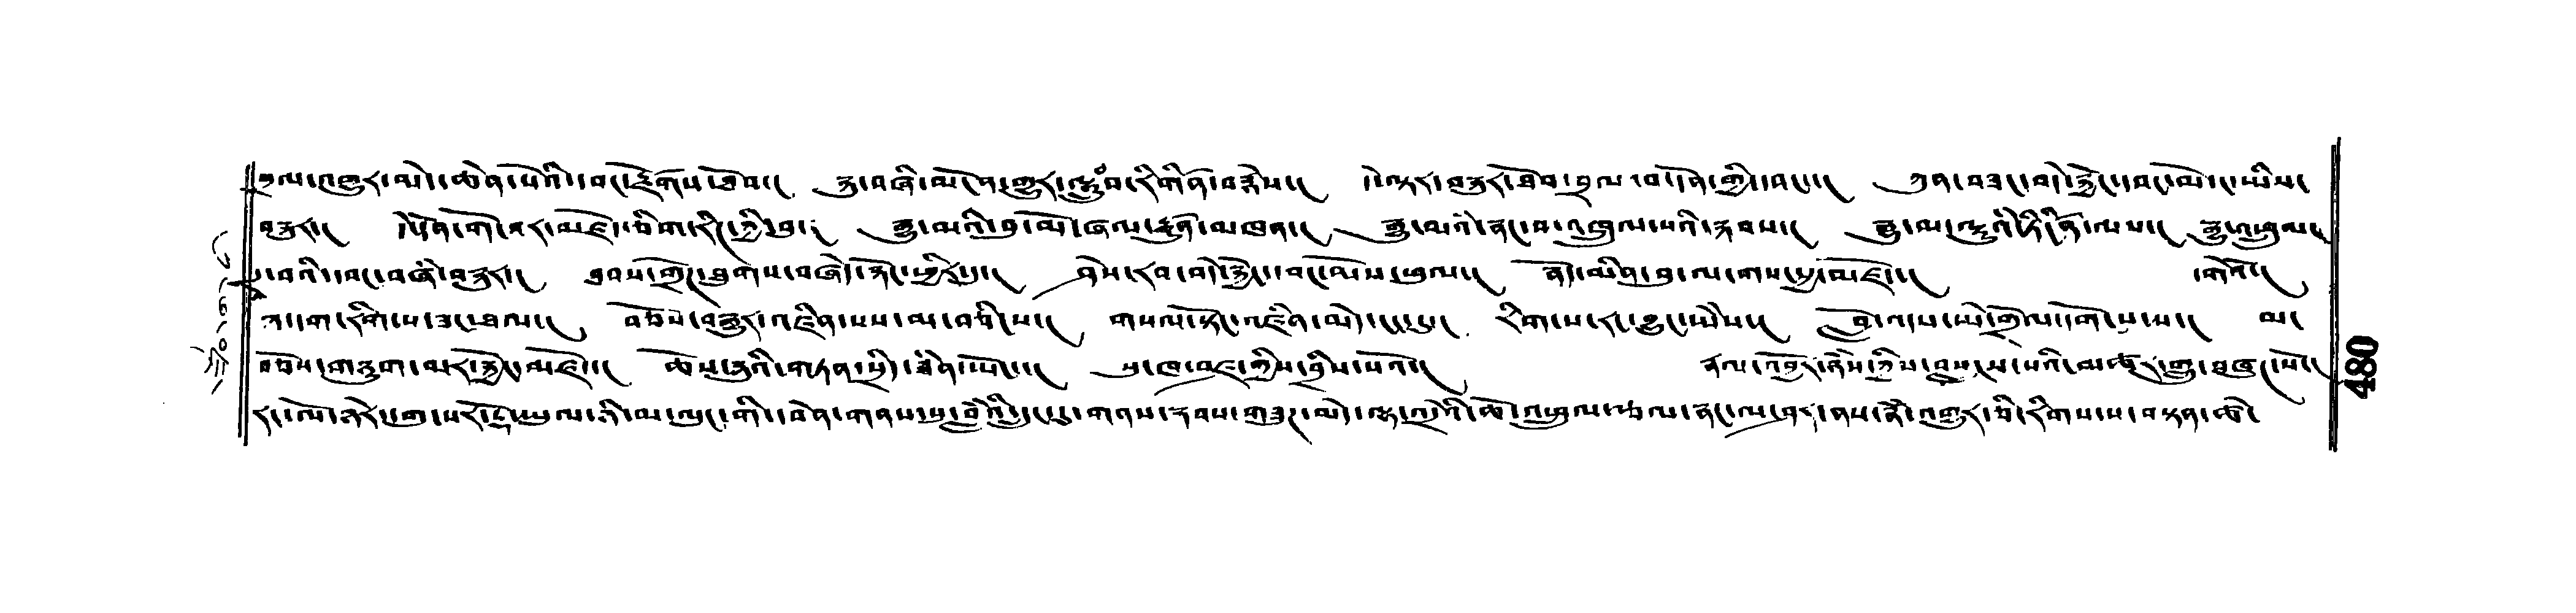བྲལ་འགྱུར་མེད་ཆེན་པོའི་དབང་རྫོགས་ཐོབ། །སྐུ་བཞི་མངོན་གྱུར་ལྷུན་གྲུབ་རིག་འཛིན་བརྙེས། །དེ་ལྟར་བསྐུར་ཐོབ་བྲལ་བ་དོན་གྱི་དབང་། །ཀུན་བཟང་བདེ་སྐྱོང་དབང་མོ་ང་ཡིས་
བསྐུར། །དེ་དོན་གོ་བར་མཛོད་ཅིག་རིགས་ཀྱི་བུ། སྒྱུ་མའི་བུ་མོ་ཞལ་རྫུན་མཁན། །སྒྱུ་མའི་སྣང་བ་འཁྲུལ་པའི་སྐབས། །སྒྱུ་མ་ལྟ་བུའི་ཏིང་འཛིན་ལས། །སྒྱུ་འཕྲུལ་
དྲྭ་བའི་དབང་བཞི་བསྐུར། །ཐབས་གྲོགས་ཐུགས་བཞེད་སྐོང་ཕྱིར་དུ། །ཤེས་རབ་བདེ་སྐྱོང་དབང་མོས་ཕུལ། །སྣོད་མིན་བུ་ལ་གསང་རྒྱ་མཛོད། དགེའོ།། 
ཀ་དག་རིག་པ་ཟང་ཐལ། །བཅོས་བསྒྱུར་འཛིན་པས་མ་བཅིངས། །གསལ་སྟོང་འཛིན་མེད་ངང་དུ། །རིག་པ་རང་བྱུང་ཡེ་ཤེས། །བློ་འདས་ཡེ་གྲོལ་དགོངས་པ། །མ་
བཅོས་གཉུག་མར་སྐྱོང་མཛོད། །ཆོས་སྐུའི་གཏན་སྲིད་ཟིན་ཡོང་།སུ་ཁ་བཛྲ་གྱིས་བྲིས་པའོ།། ༈ རྣལ་འབྱོར་ཉམས་ཀྱིས་བསླངས་པའི་མཚར་གླུ་བཞུགས་སོ། 
རང་ལོ་ཉེར་དགུ་པར་རྡོ་ཡུལ་ཉི་མ་ལུང་གི་དབེན་གནས་སུ་བླ་མའི་དྲུང་དུ་གནས་སྐབས་གཟུགས་མེད་ལྷ་འདྲེའི་ཆོ་འཕྲུལ་རྩལ་སྣང་ལ་ཤར་ནས་རྣམ་འགྱུར་ཅི་རིགས་པ་བསྟན་ཚེ།